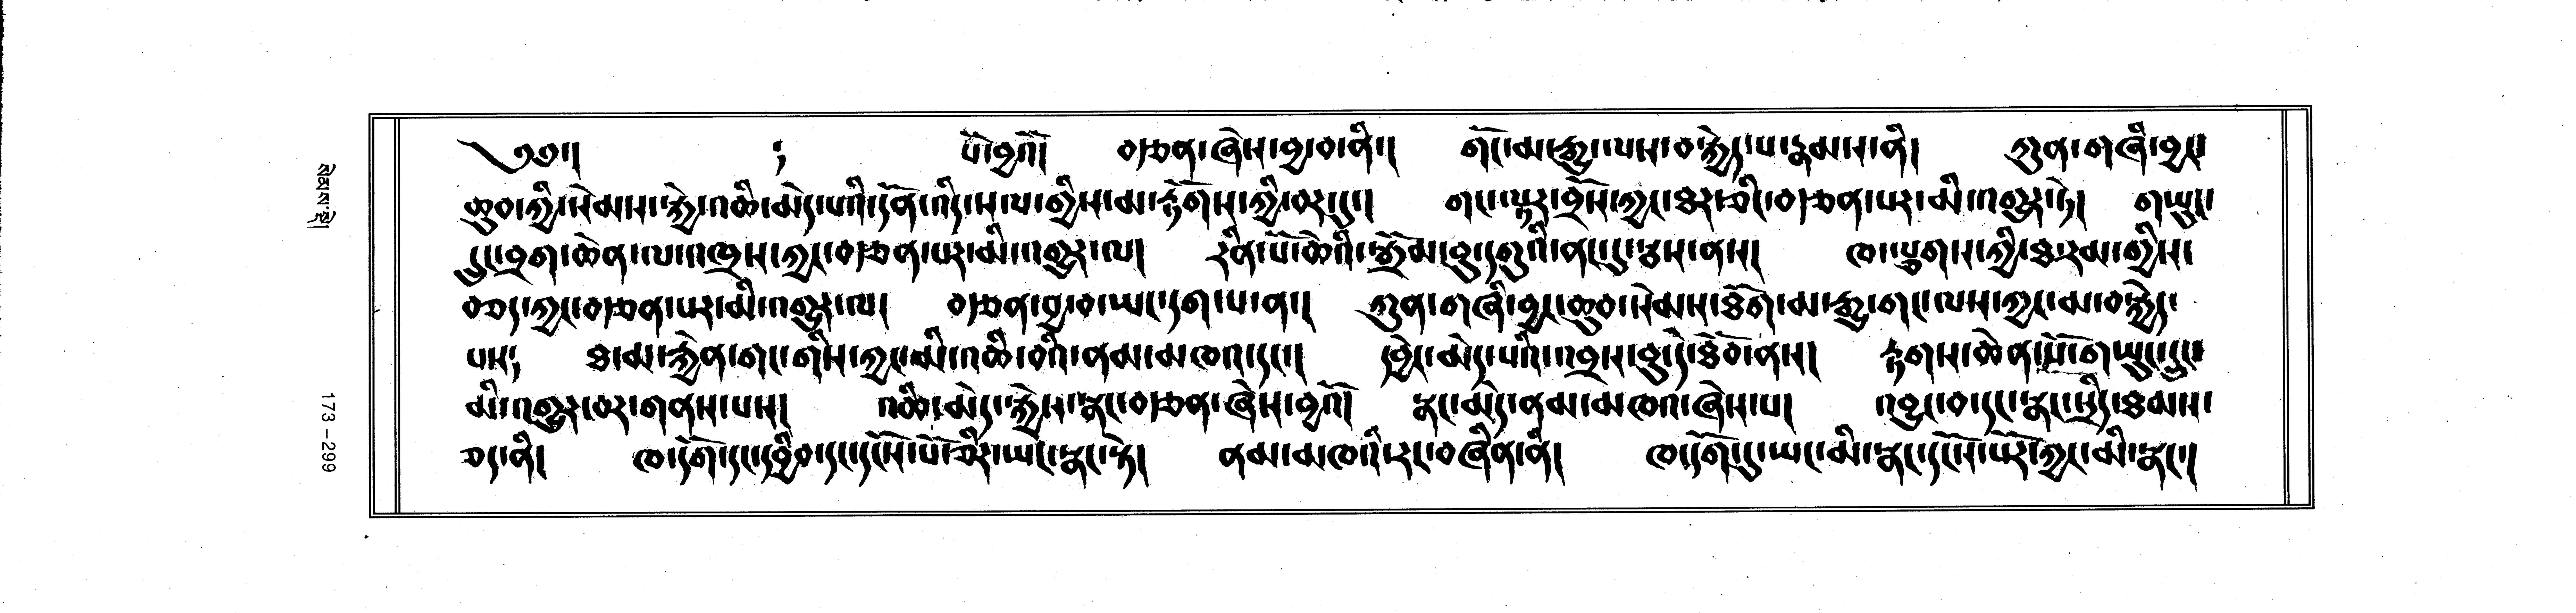པོ་བྱའོ། །བརྩན་བྱ་བ་ནི། གོང་མ་རྒྱུ་ལས་བསྐྱེད་པ་རྣམས་ནི། ཀུན་གཞི་བྱང་
ཆུབ་ཀྱི་སེམས་སྐྱེ་འཆི་མེད་པའི་དོན་འདི་སལ་གྱིས་མ་རྟོགས་ཀྱི་བར་དུ། གང་ལྟར་བྲོས་ཀྱང་ཐར་ཅིང་བརྩན་པར་མི་འགྱུར་ཏེ། གཡུང་
དྲུང་བྲག་ཆེན་ལ་འཁྲས་ཀྱང་བརྩན་པར་མི་འགྱུར་ལ། རིན་པོ་ཆེའི་སྒྲོམ་བུ་དགུའི་ནང་དུ་སྦས་ནས། ཁ་ལྕགས་ཀྱི་ཐ་རམ་གྱིས་
བཅད་ཀྱང་བརྩན་པར་མི་འགྱུར་ལ། བརྩན་བྱ་བ་ཡང་དག་པ་ན། ཀུན་གཞི་བྱང་ཆུབ་སེམས་ཐོག་མ་རྒྱུ་གང་ལས་མ་བསྐྱེད་
པས། ཐ་མ་རྐྱེན་གང་གིས་ཀྱང་མི་འཆི་བའི་ནམ་མཁའ་དང་། དབྱེར་མེད་པའི་འབྲས་བུ་དེ་ཐོབ་ནས། རྟགས་ཆེན་པོ་གཡུང་དྲུང་
མི་འགྱུར་བར་གནས་པས། འཆི་མེད་སྐྱེས་སྣང་བརྩན་ཞེས་བྱའོ། །སྣང་མེད་ནམ་མཁའ་ཞེས་པ། འབྱུང་བ་དང་སྣང་སྲིད་ཐམས་
ཅད་ནི། ཁ་དོག་དང་དབྱིབས་དང་དངོས་པོ་ཅིར་ཡང་སྣང་སྟེ། ནམ་མཁའི་རང་བཞིན་ནི། ཁ་དོག་ཏུ་ཡང་མི་སྣང་དངོས་པོར་ཀྱང་མི་སྣང་།